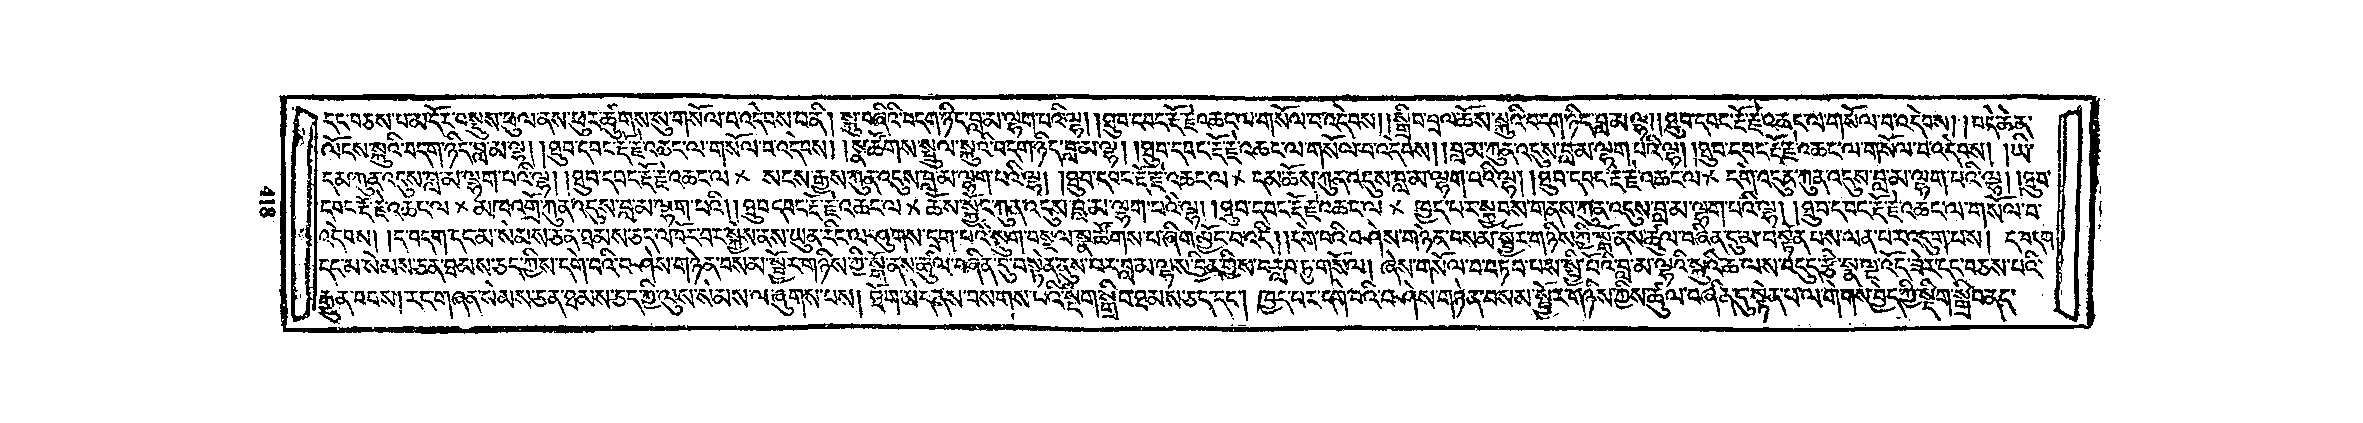དང་བཅས་པ་མདོར་བསྡུས་ཕུལ་ནས་ཕུར་ཚུགས་སུ་གསོལ་བ་འདེབས་པ་ནི། སྐུ་བཞིའི་བདག་ཉིད་བླ་མ་ལྷག་པའི་ལྷ། །ཐུབ་དབང་རྡོ་རྗེ་འཆང་ལ་གསོལ་བ་འདེབས། །སྒྲིབ་བྲལ་ཆོས་སྐུའི་བདག་ཉིད་བླ་མ་ལྷ། །ཐུབ་དབང་རྡོ་རྗེ་འཆང་ལ་གསོལ་བ་འདེབས། །བདེ་ཆེན་
ལོངས་སྐུའི་བདག་ཉིད་བླ་མ་ལྷ། །ཐུབ་དབང་རྡོ་རྗེ་འཆང་ལ་གསོལ་བ་འདེབས། །སྣ་ཚོགས་སྤྲུལ་སྐུའི་བདག་ཉིད་བླ་མ་ལྷ། །ཐུབ་དབང་རྡོ་རྗེ་འཆང་ལ་གསོལ་བ་འདེབས། །བླ་མ་ཀུན་འདུས་བླ་མ་ལྷག་པའི་ལྷ། །ཐུབ་དབང་རྡོ་རྗེ་འཆང་ལ་གསོལ་བ་འདེབས། །ཡི་
དམ་ཀུན་འདུས་བླ་མ་ལྷག་པའི་ལྷ། །ཐུབ་དབང་རྡོ་རྗེ་འཆང་ལ་+་སངས་རྒྱས་ཀུན་འདུས་བླ་མ་ལྷག་པའི་ལྷ། །ཐུབ་དབང་རྡོ་རྗེ་འཆང་ལ་྾་དམ་ཆོས་ཀུན་འདུས་བླ་མ་ལྷག་པའི་ལྷ། །ཐུབ་དབང་རྡོ་རྗེ་འཆང་ལ་྾་དགེ་འདུན་ཀུན་འདུས་བླ་མ་ལྷག་པའི་ལྷ། །ཐུབ་
དབང་རྡོ་རྗེ་འཆང་ལ་྾་མཁའ་འགྲོ་ཀུན་འདུས་བླ་མ་ལྷག་པའི། །ཐུབ་དབང་རྡོ་རྗེ་འཆང་ལ་྾་ཆོས་སྐྱོང་ཀུན་འདུས་བླ་མ་ལྷག་པའི་ལྷ། །ཐུབ་དབང་རྡོ་རྗེ་འཆང་ལ་྾་ཁྱད་པར་སྐྱབས་གནས་ཀུན་འདུས་བླ་མ་ལྷག་པའི་ལྷ། །ཐུབ་དབང་རྡོ་རྗེ་འཆང་ལ་གསོལ་བ་
འདེབས། །ད་བདག་དང་མ་སེམས་ཅན་ཐམས་ཅད་འཁོར་བར་སྐྱེས་ནས་ཡུན་རིང་ལ་ཤུགས་དྲག་པའི་སྡུག་བསྔལ་སྣ་ཚོགས་པ་ཞིག་མྱོང་བ་འདི། །དགེ་བའི་བཤེས་གཉེན་བསམ་སྦྱོར་གཉིས་ཀྱི་སྒོ་ནས་ཚུལ་བཞིན་དུ་མ་བསྟེན་པས་ལན་པར་འདུག་པས། དེ་བདག་
དང་མ་སེམས་ཅན་ཐམས་ཅད་ཀྱིས་དགེ་བའི་བཤེས་གཉེན་བསམ་སྦྱོར་གཉིས་ཀྱི་སྒོ་ནས་ཚུལ་བཞིན་དུ་བསྟེན་ནུས་པར་བླ་མ་ལྷས་བྱིན་གྱིས་བརླབ་ཏུ་གསོལ། ཞེས་གསོལ་བ་བཏབ་པས་སྤྱི་བོའི་བླ་མ་ལྷའི་སྐུའི་ཆ་ལས་བདུད་རྩི་སྣ་ལྔ་འོད་ཟེར་དང་བཅས་པའི་
རྒྱུན་བབས། རང་གཞན་སེམས་ཅན་ཐམས་ཅད་ཀྱི་ལུས་སེམས་ལ་ཞུགས་པས། ཐོག་མེད་ནས་བསགས་པའི་སྡིག་སྒྲིབ་ཐམས་ཅད་དང་། ཁྱད་པར་དགེ་བའི་བཤེས་གཉེན་བསམ་སྦྱོར་གཉིས་ཀྱིས་ཚུལ་བཞིན་དུ་སྟེན་པ་ལ་གེགས་བྱེད་ཀྱི་སྡིག་སྒྲིབ་ནད་